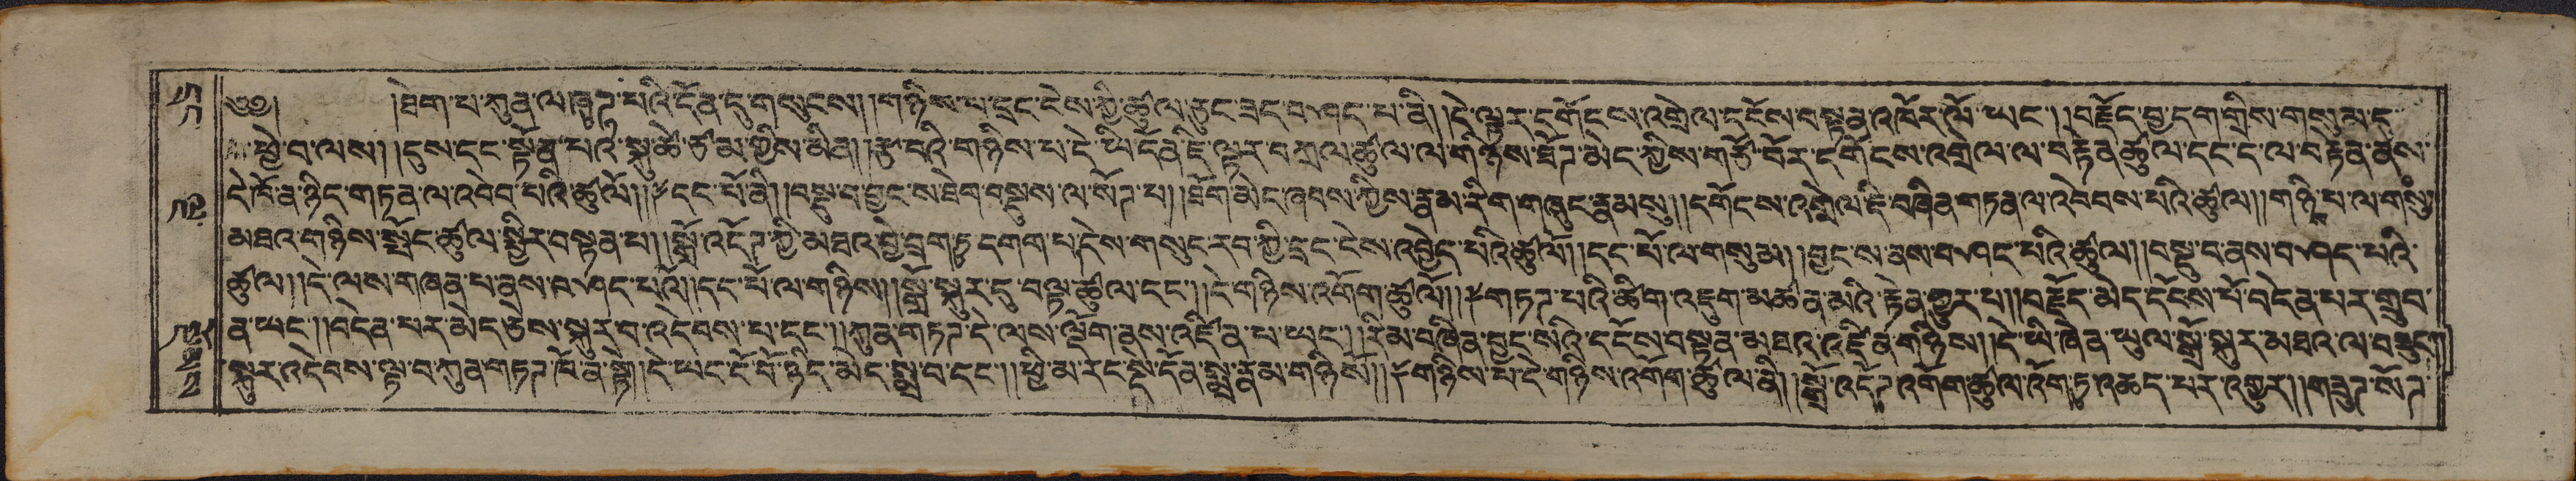༄༅། །ཐེག་པ་ཀུན་ལ་ཞུགས་པའི་དོན་དུ་གསུངས། །གཉིས་པ་དྲང་ངེས་ཀྱི་ཚུལ་ཅུང་ཟད་བཤད་པ་ནི། །དེ་ལྟར་དགོངས་འགྲེལ་དངོས་བསྟན་འཁོར་ལོ་ཡང་། །བརྗོད་བྱ་དག་གིས་གསུམ་དུ་
ཕྱེ་བ་ལས། །དུས་དང་སྟོན་པའི་སྐུ་ཚེ་ཙམ་གྱིས་མིན། །རྩ་བའི་གཉིས་པ་དེ་ཡི་དོན་ཇི་ལྟར་བཀྲལ་ཚུལ་ལ་གཉིས་ཐོགས་མེད་ཀྱིས་གཙོ་བོར་དགོངས་འགྲེལ་ལ་བརྟེན་ཚུལ་དང་དེ་ལ་བརྟེན་ནས་
དེ་ཁོ་ན་ཉིད་གཏན་ལ་འབེབ་པའི་ཚུལ་ལོ། ༈ །དང་པོ་ནི། །བསྡུ་བ་བྱང་ས་ཐེག་བསྡུས་ལ་སོགས་པ། །ཐོག་ཐོགས་མེད་ཞབས་ཀྱིས་རྣམ་རིག་གཞུང་རྣམས་སུ། །དགོངས་འགྲེལ་ཇི་བཞིན་གཏན་ལ་འབེབས་པའི་ཚུལ། །གཉིས་པ་ལ་གསུམ།
མཐའ་གཉིས་སྤོང་ཚུལ་སྤྱིར་བསྟན་པ། །སྒྲོ་འདོགས་ཀྱི་མཐའ་བྱེ་བྲག་ཏུ་དགག་པ། །དེས་གསུང་རབ་ཀྱི་དྲང་ངེས་འབྱེད་པའི་ཚུལ་ལོ། །དང་པོ་ལ་གསུམ། །བྱང་ས་ནས་བཤད་པའི་ཚུལ། །བསྡུ་བ་ནས་བཤད་པའི་
ཚུལ། །དེ་ལས་གཞན་པ་ནས་བཤད་པའོ། །དང་པོ་ལ་གཉིས། །སྒྲོ་སྐུར་དུ་བལྟ་ཚུལ་དང་། །དེ་གཉིས་འགོག་ཚུལ་ལོ། ༈ །གཏགས་པའི་ཚིག་འཇུག་མཚན་མའི་རྟེན་གྱུར་པ། །བརྗོད་མེད་དངོས་པོ་བདེན་པར་གྲུབ་
ན་ཡང་། །བདེན་པར་མེད་ཅེས་སྐུར་བ་འདེབས་པ་དང་། །ཀུན་གཏགས་དེ་ལས་ལྡོག་ནས་འཛིན་པ་ཡང་། །རིམ་བཞིན་བྱང་སའི་དངོས་བསྟན་མཐའ་འཛིན་གཉིས། །དེ་ཡི་ཞེན་ཡུལ་སྒྲོ་སྐུར་མཐའ་ལ་བཟུང་།
སྐུར་འདེབས་ལྟ་བ་ཀུན་གཏགས་ཁོ་ན་སྟེ། །དེ་ཡང་ངོ་བོ་ཉིད་མེད་སྨྲ་བ་དང་། །ཕྱི་མ་རང་སྡེ་དོན་སྨྲ་རྣམ་གཉིས་སོ། ༈ །གཉིས་པ་དེ་གཉིས་འགོག་ཚུལ་ནི། །སྒྲོ་འདོགས་འགོག་ཚུལ་འོག་ཏུ་འཆད་པར་འགྱུར། །གཟུགས་སོགས་